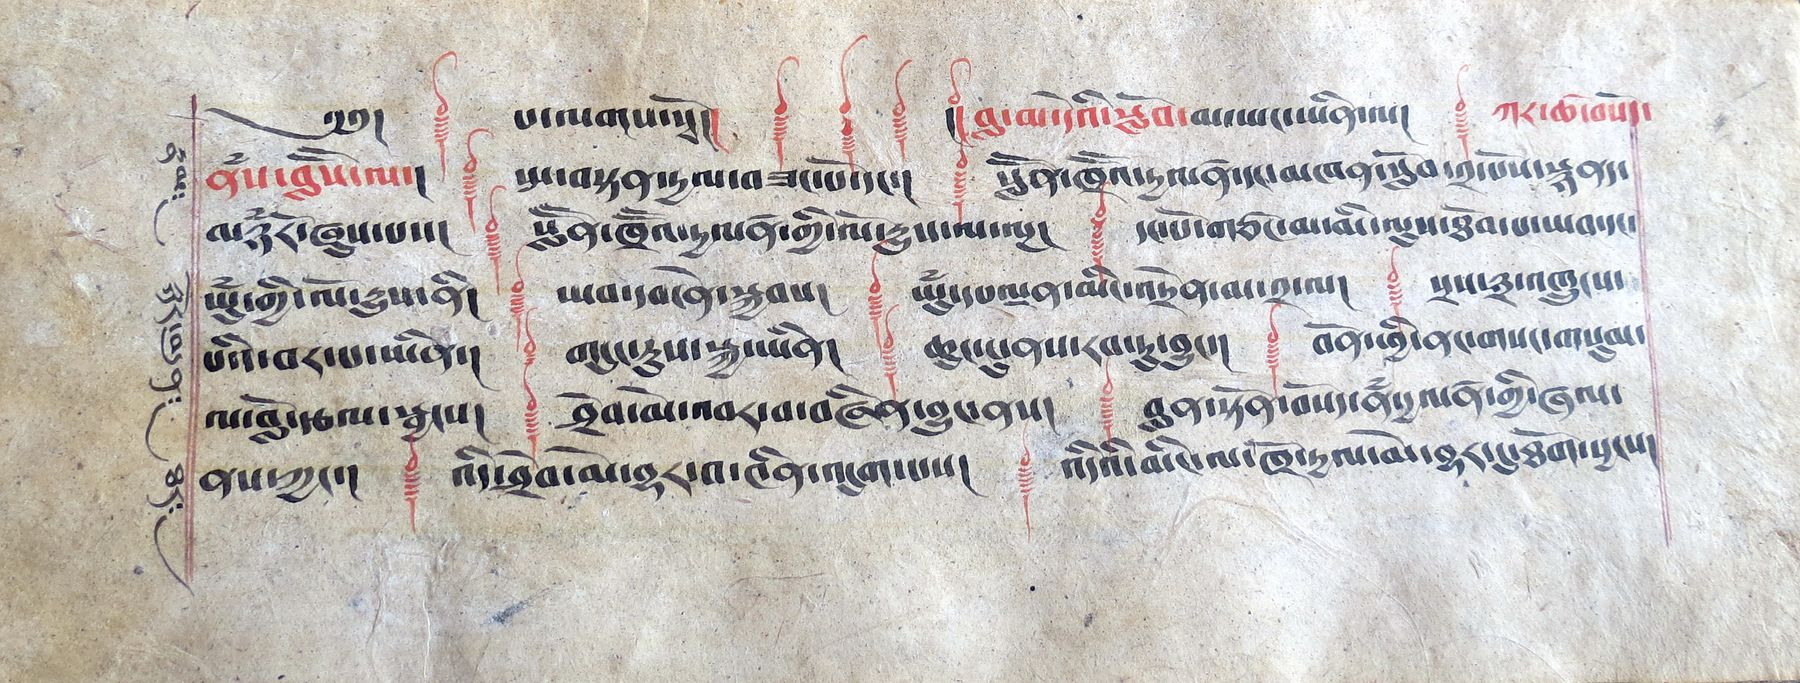པ་ལགས་སོ། ། བླ་མ་དེའི་སློབ་མ་ཡང་ཡིན་ལ། ཀར་ཚ་བསོད་
ནམས་བློ་གྲོས་ལ་སྤ་བསྟན་རྒྱལ་བཟང་པོ་དང་། སློབ་དཔོན་ཁྲོ་བོ་རྒྱལ་མཚན་གཉིས་པོས། སྙན་
རྒྱུད་མཉམ་པོར་ཞུས་པའི། སློབ་དཔོན་ཁྲོ་བོ་རྒྱལ་མཚན་གྱི་ལོ་རྒྱུས་ལ་ལྔ། དང་པོ་གཙང་མ་མི་ལུས་ཐོབ་པ་ཡབ་དང་
ཡུམ་གྱི་ལོ་རྒྱུས་ནི། ཡབ་དབང་ཆེན་སྐྱབས། ཡུམ་དཔལ་ལྡན་མིང་འདྲེན་དང་གཉིས་ལ། སྲས་གསུམ་འཁྲུངས་
པའི་བར་པ་ཡིན། གདུང་རུས་སྐྱི་ཡིན། ཆུང་ངུན་ནས་རབ་ཏུ་བྱུང་། བོན་ཕྱི་ནང་གསང་གསུམ་
ལ་བློ་རྩལ་སྦྱངས། ཤེས་རབ་མེ་འབར་བ་བཞིན་བྱུང་ནས། གླན་སྟོན་བསོད་ནམས་རྒྱལ་མཚན་གྱིས་ཞལ་
ནས་ཀྱང་། འདི་ཤེས་རབ་མེ་འབར་འདུག་པས། འདིའི་མིང་ལ་ཁྲོ་རྒྱལ་མེ་འབར་དུ་ཐོགས་གསུངས།